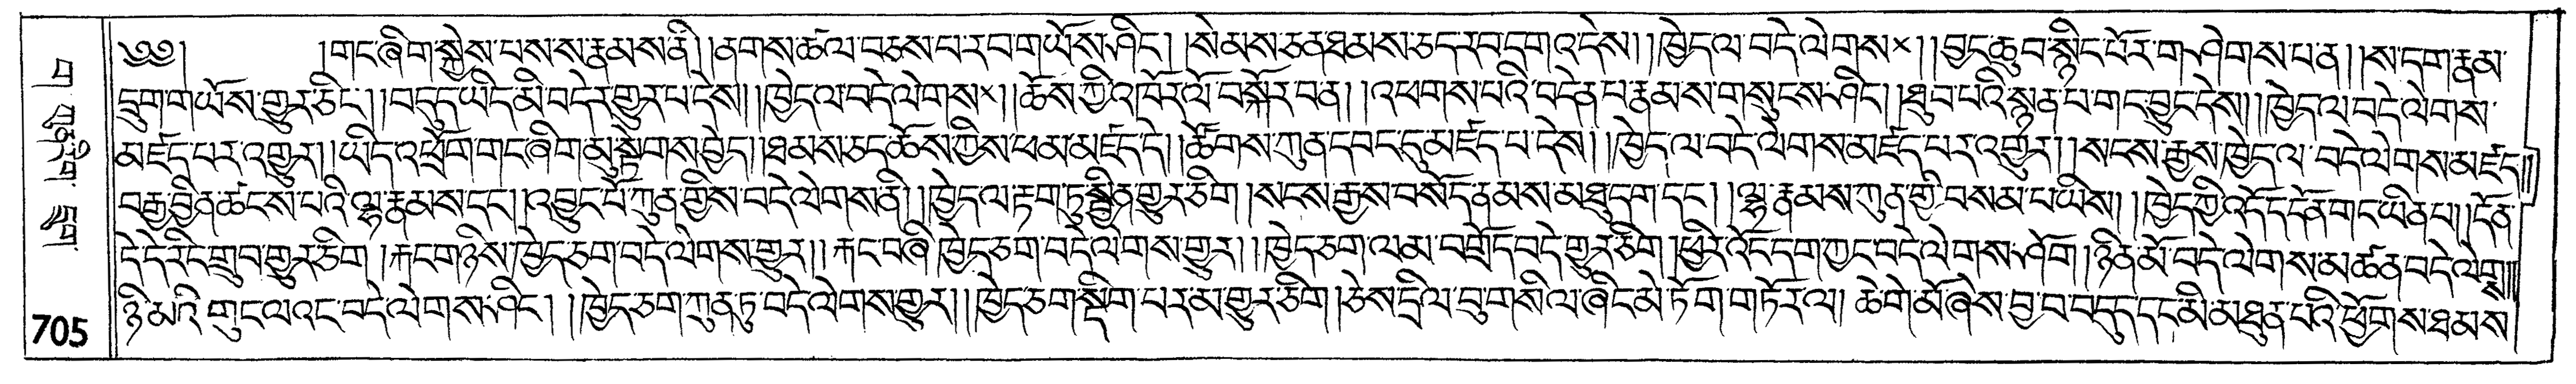༄༅། །གང་ཞིག་སྐྱེས་པས་ས་རྣམས་ནི། །ནགས་ཚལ་བཅས་པ་རབ་གཡོས་ཤིང་། །སེམས་ཅན་ཐམས་ཅད་རབ་དགའ་དེས། །ཁྱེད་ལ་བདེ་ལེགས་྾། །བྱང་ཆུབ་སྙིང་པོར་གཤེགས་པ་ན། །ས་དག་རྣམ་
དྲུག་གཡོས་གྱུར་ཅིང་། །བདུད་ཡིད་མི་བདེར་གྱུར་པ་དེས། །ཁྱེད་ལ་བདེ་ལེགས་྾། །ཆོས་ཀྱི་འཁོར་ལོ་བསྐོར་བ་ན། །འཕགས་པའི་བདེན་པ་རྣམས་གསུངས་ཤིང་། །ཐུབ་པའི་སྙན་པ་གང་བྱུང་དེས། །ཁྱེད་ལ་བདེ་ལེགས་
མཛད་པར་འགྱུར། །ཡིད་འཕྲོག་གང་ཞིག་མུ་སྟེགས་བྱེད། །ཐམས་ཅད་ཆོས་ཀྱིས་ཕམ་མཛད་དེ། །ཚོགས་ཀུན་དབང་དུ་མཛད་པ་དེས། །ཁྱེད་ལ་བདེ་ལེགས་མཛད་པར་འགྱུར། །སངས་རྒྱས་ཁྱེད་ལ་བདེ་ལེགས་མཛད།།
བརྒྱ་བྱིན་ཚངས་པའི་ལྷ་རྣམས་དང་། །འབྱུང་པོ་ཀུན་གྱིས་བདེ་ལེགས་ནི། །ཁྱེད་ལ་རྟག་ཏུ་སྦྱིན་གྱུར་ཅིག །སངས་རྒྱས་བསོད་ནམས་མཐུ་དག་དང་། །ལྷ་རྣམས་ཀུན་གྱི་བསམ་པ་ཡིས། །ཁྱེད་ཀྱི་འདོད་དོན་གང་ཡིན་པ། །དོན་
དེ་དེ་རིང་གྲུབ་གྱུར་ཅིག །རྐང་གཉིས་ཁྱེད་ཅག་བདེ་ལེགས་གྱུར། །རྐང་བཞི་ཁྱེད་ཅག་བདེ་ལེགས་གྱུར། །ཁྱེད་ཅག་ལམ་བགྲོད་བདེ་གྱུར་ཅིག །ཕྱིར་འོང་དག་ཀྱང་བདེ་ལེགས་ཤོག །ཉིན་མོ་བདེ་ལེགས་མཚན་བདེ་ལེགས།།
ཉི་མའི་གུང་ལའང་བདེ་ལེགས་ཤིང་། །ཁྱེད་ཅག་ཀུན་ཏུ་བདེ་ལེགས་གྱུར། །ཁྱེད་ཅག་སྡིག་པར་མ་གྱུར་ཅིག །ཅེས་དྲིལ་བུ་གསིལ་ཞིང་མེ་ཏོག་གཏོར་ལ། ཆེ་གེ་མོ་ཞེས་བྱ་བ་བདུད་དང་མི་མཐུན་པའི་ཕྱོགས་ཐམས་